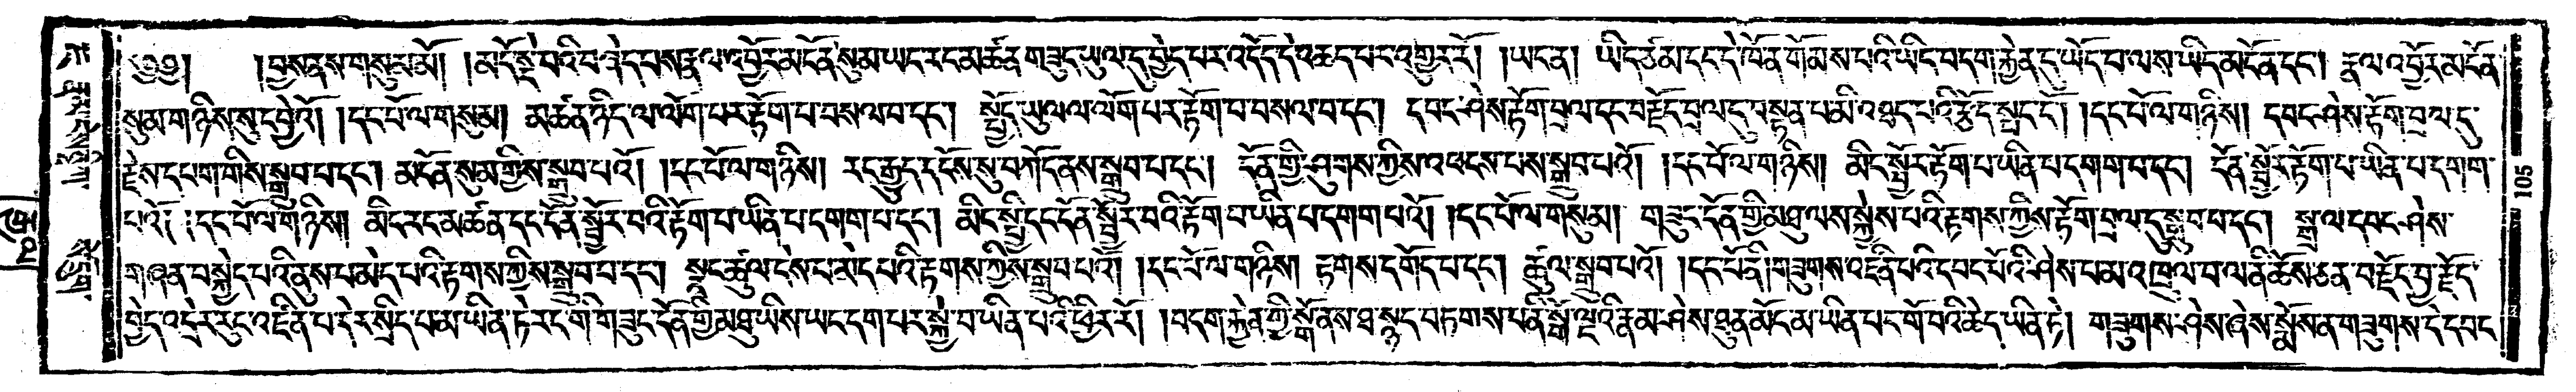༄༅། །བྱས་ནས་གསུམ་མོ། །མདོ་སྡེ་བའི་བཞེད་པས་རྣལ་འབྱོར་མངོན་སུམ་ཡང་རང་མཚན་གཟུང་ཡུལ་དུ་བྱེད་པར་འདོད་དེ་འཆད་པར་འགྱུར་རོ། །ཡང་ན། ཡིད་ཙམ་དང་དེ་ཁོ་ན་གོམས་པའི་ཡིད་བདག་རྐྱེན་དུ་ཡོད་པ་ལས་ཡིད་མངོན་དང་། རྣལ་འབྱོར་མངོན་
སུམ་གཉིས་སུ་དབྱེའོ། །དང་པོ་ལ་གསུམ། མཚན་ཉིད་ལ་ལོག་པར་རྟོག་པ་བསལ་བ་དང་། སྤྱོད་ཡུལ་ལ་ལོག་པར་རྟོག་པ་བསལ་བ་དང་། དབང་ཤེས་རྟོག་བྲལ་དང་བརྗོད་བྲལ་དུ་བསྟན་པ་མི་འཐད་པའི་རྩོད་སྤང་ངོ། །དང་པོ་ལ་གཉིས། དབང་ཤེས་རྟོག་བྲལ་དུ་
རྗེས་དཔག་གིས་སྒྲུབ་པ་དང་། མངོན་སུམ་གྱིས་སྒྲུབ་པའོ། །དང་པོ་ལ་གཉིས། རང་རྒྱུད་དངོས་སུ་བཀོད་ནས་སྒྲུབ་པ་དང་། དོན་གྱི་ཤུགས་ཀྱིས་འཕངས་པས་སྒྲུབ་པའོ། །དང་པོ་ལ་གཉིས། མིང་སྦྱོར་རྟོག་པ་ཡིན་པ་དགག་པ་དང་། དོན་སྦྱོར་རྟོག་པ་ཡིན་པ་དགག་
པའོ། །དང་པོ་ལ་གཉིས། མིང་རང་མཚན་དང་དོན་སྦྱོར་བའི་རྟོག་པ་ཡིན་པ་དགག་པ་དང་། མིང་སྤྱི་དང་དོན་སྦྱོར་བའི་རྟོག་པ་ཡིན་པ་དགག་པའོ། །དང་པོ་ལ་གསུམ། གཟུང་དོན་གྱི་མཐུ་ལས་སྐྱེས་པའི་རྟགས་ཀྱིས་རྟོག་བྲལ་དུ་སྒྲུབ་པ་དང་། སྒྲ་ལ་དབང་ཤེས་
གཞན་བསྐྱེད་པའི་ནུས་པ་མེད་པའི་རྟགས་ཀྱིས་སྒྲུབ་པ་དང་། སྣང་ཚུལ་ངེས་པ་མེད་པའི་རྟགས་ཀྱིས་སྒྲུབ་པའོ། །དང་པོ་ལ་གཉིས། རྟགས་དགོད་པ་དང་། ཚུལ་སྒྲུབ་པའོ། །དང་པོ་ནི། གཟུགས་འཛིན་པའི་དབང་པོའི་ཤེས་པ་མ་འཁྲུལ་པ་ལ་ནི་ཆོས་ཅན་བརྗོད་བྱ་རྗོད་
བྱེད་འདྲེར་རུང་འཛིན་པ་དེར་སྲིད་པ་མ་ཡིན་ཏེ་རང་གི་གཟུང་དོན་གྱི་མཐུ་ཡིས་ཡང་དག་པར་སྐྱེ་བ་ཡིན་པའི་ཕྱིར་རོ། །བདག་རྐྱེན་གྱི་སྒོ་ནས་ཐ་སྙད་བཏགས་པ་ནི་སྒོ་ལྔའི་རྣམ་ཤེས་ཐུན་མོང་མ་ཡིན་པར་གོ་བའི་ཆེད་ཡིན་ཏེ། གཟུགས་ཤེས་ཞེས་སྨོས་ན་གཟུགས་དེ་དབང་